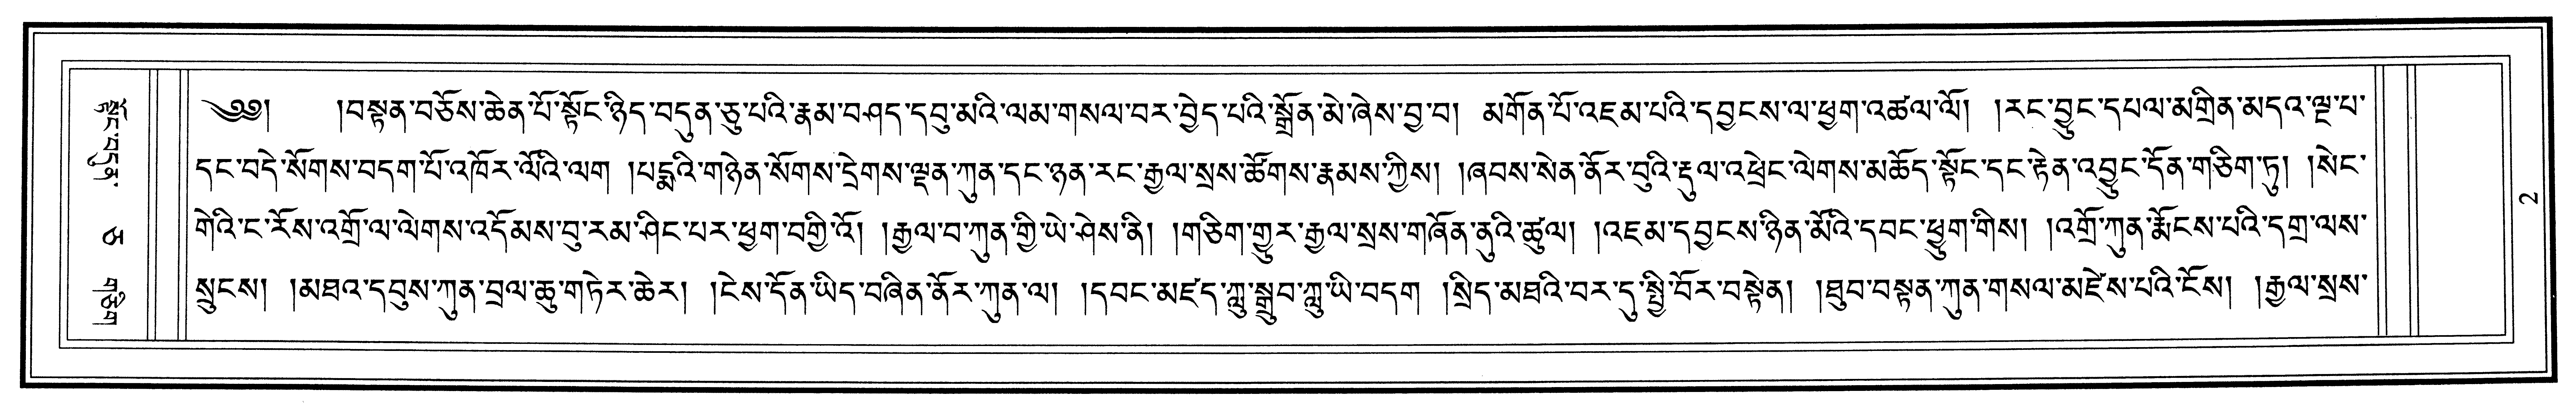༄༅། །བསྟན་བཅོས་ཆེན་པོ་སྟོང་ཉིད་བདུན་ཅུ་པའི་རྣམ་བཤད་དབུ་མའི་ལམ་གསལ་བར་བྱེད་པའི་སྒྲོན་མེ་ཞེས་བྱ་བ། མགོན་པོ་འཇམ་པའི་དབྱངས་ལ་ཕྱག་འཚལ་ལོ། །རང་བྱུང་དཔལ་མགྲིན་མདའ་ལྔ་པ་
དང་བདེ་སོགས་བདག་པོ་འཁོར་ལོའི་ལག །པདམའི་གཉེན་སོགས་དྲེགས་ལྡན་ཀུན་དང་ཉན་རང་རྒྱལ་སྲས་ཚོགས་རྣམས་ཀྱིས། །ཞབས་སེན་ནོར་བུའི་རྡུལ་འཕྲེང་ལེགས་མཆོད་སྟོང་དང་རྟེན་འབྱུང་དོན་གཅིག་ཏུ། །སེང་
གེའི་ང་རོས་འགྲོ་ལ་ལེགས་འདོམས་བུ་རམ་ཤིང་པར་ཕྱག་བགྱིའོ། །རྒྱལ་བ་ཀུན་གྱི་ཡེ་ཤེས་ནི། །གཅིག་གྱུར་རྒྱལ་སྲས་གཞོན་ནུའི་ཚུལ། །འཇམ་དབྱངས་ཉིན་མོའི་དབང་ཕྱུག་གིས། །འགྲོ་ཀུན་རྨོངས་པའི་དགྲ་ལས་
སྲུངས། །མཐའ་དབུས་ཀུན་བྲལ་ཆུ་གཏེར་ཆེར། །ངེས་དོན་ཡིད་བཞིན་ནོར་ཀུན་ལ། །དབང་མཛད་ཀླུ་སྒྲུབ་ཀླུ་ཡི་བདག །སྲིད་མཐའི་བར་དུ་སྤྱི་བོར་བསྟེན། །ཐུབ་བསྟན་ཀུན་གསལ་མཛེས་པའི་ངོས། །རྒྱལ་སྲས་